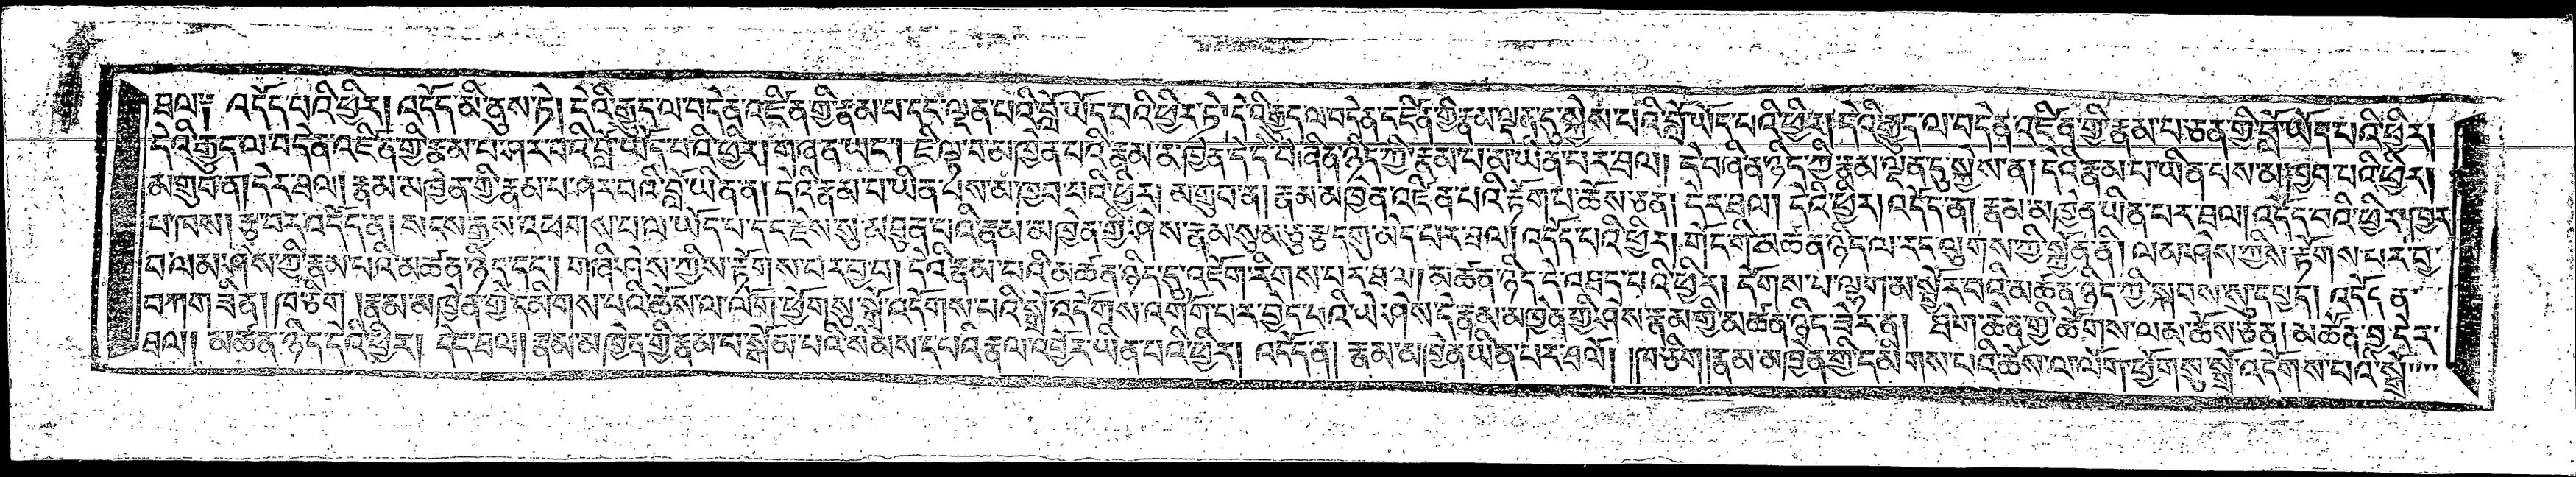ཐལ༑ འདོད་པའི་ཕྱིར། འདོད་མི་ནུས་ཏེ། དེའི་རྒྱུད་ལ་བདེན་འཛིན་གྱི་རྣམ་པ་དང་ལྡན་པའི་བློ་ཡོད་པའི་ཕྱིར་ཏེ། དེའི་རྒྱུད་ལ་བདེན་འཛིན་གྱི་རྣམ་ལྡན་དུ་སྐྱེས་པའི་བློ་ཡོད་པའི་ཕྱིར། དེའི་རྒྱུད་ལ་བདེན་འཛིན་གྱི་རྣམ་པ་ཅན་གྱི་བློ་ཡོད་པའི་ཕྱིར།
དེའི་རྒྱུད་ལ་བདེན་འཛིན་གྱི་རྣམ་པ་ཤར་བའི་བློ་ཡོད་པའི་ཕྱིར། གཞན་ཡང་། ཇི་ལྟ་བ་མཁྱེན་པའི་རྣམ་མཁྱེན་དེ་དེ་བཞིན་ཉིད་ཀྱི་རྣམ་པ་མ་ཡིན་པར་ཐལ། དེ་བཞིན་ཉིད་ཀྱི་རྣམ་ལྡན་དུ་སྐྱེས་ན། དེའི་རྣམ་པ་ཡིན་པས་མ་ཁྱབ་པའི་ཕྱིར།
མ་གྲུབ་ན། དེར་ཐལ། རྣམ་མཁྱེན་གྱི་རྣམ་པ་ཤར་བའི་བློ་ཡིན་ན། དེའི་རྣམ་པ་ཡིན་པས་མ་ཁྱབ་པའི་ཕྱིར། མ་གྲུབ་ན། རྣམ་མཁྱེན་འཛིན་པའི་རྟོག་པ་ཆོས་ཅན། དེར་ཐལ། དེའི་ཕྱིར། འདོད་ན། རྣམ་མཁྱེན་ཡིན་པར་ཐལ། འདོད་པའི་ཕྱིར། ཁྱར་
པ་ཁས། རྩ་བར་འདོད་ན། སངས་རྒྱས་འཕགས་པ་ལ་ཡོད་པ་དང་རྗེས་སུ་མཐུན་པའི་རྣམ་མཁྱེན་གྱི་ཤེས་རྣམ་སུམ་ཅུ་རྩ་དགུ་མེད་པར་ཐལ། འདོད་པའི་ཕྱིར། གོང་གི་མཚན་ཉིད་ལ་རང་ལུགས་ཀྱི་སྐྱོན་ནི། ལམ་ཤེས་ཀྱིས་རྟོགས་པར་བྱ་
བ་ལམ་ཤེས་ཀྱི་རྣམ་པའི་མཚན་ཉིད་དང་། གཞི་ཤེས་ཀྱིས་རྟོགས་པར་བྱ་བ། དེའི་རྣམ་པའི་མཚན་ཉིད་དུ་འཇོག་རིགས་པར་ཐལ། མཚན་ཉིད་དེ་འཐད་པའི་ཕྱིར། དོགས་པ་ལྷག་མ་སྦྱོར་བའི་མཚན་ཉིད་ཀྱི་སྐབས་སུ་དཔྱད། འདོད་ན་
བཀག་ཟིན། ཁ་ཅིག །རྣམ་མཁྱེན་གྱི་དམིགས་པའི་ཆོས་ལ་ལོག་ཕྱོགས་སུ་སྒྲོ་འདོགས་པའི་སྒྲོ་འདོགས་འགོག་པར་བྱེད་པའི་ཡེ་ཤེས་དེ་རྣམ་མཁྱེན་གྱི་ཤེས་རྣམ་གྱི་མཚན་ཉིད་ཟེར་ན། ཐེག་ཆེན་གྱི་ཚོགས་ལམ་ཆོས་ཅན། མཚོན་བྱ་དེར་
ཐལ། མཚན་ཉིད་དེའི་ཕྱིར། དེད་ཐལ། རྣམ་མཁྱེན་གྱི་རྣམ་པ་སྒོམ་པའི་སེམས་དཔའི་རྣལ་འབྱོར་ཡིན་པའི་ཕྱིར། འདོད་ན། རྣམ་མཁྱེན་ཡིན་པར་ཐལ་ལོ། །ཁ་ཅིག །རྣམ་མཁྱེན་གྱི་དམིགས་པའི་ཚེས་ལ་ལོག་ཕྱོགས་སུ་སྒྲོ་འདོགས་པའི་སྒྲོ་